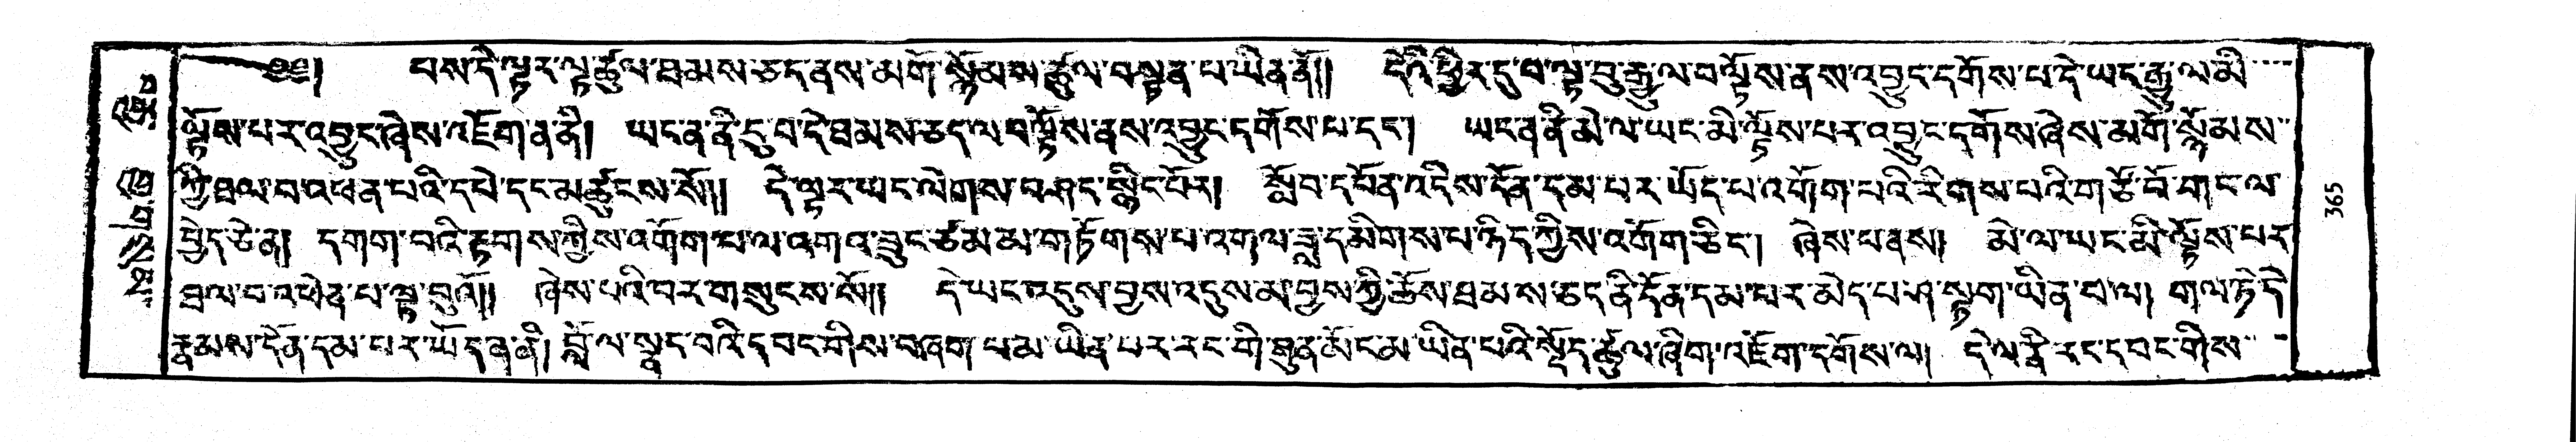༄༅། །པས་དེ་ལྟར་ལྟ་ཚུལ་ཐམས་ཅད་ནས་མགོ་སྙོམས་ཚུལ་བསྟན་པ་ཡིན་ནོ། །དེའི་ཕྱིར་དུ་བ་ལྟ་བུ་རྒྱུ་ལ་བལྟོས་ནས་འབྱུང་དགོས་པ་དེ་ཡང་རྒྱུ་ལ་མི་
ལྟོས་པར་འབྱུང་ཞེས་འཇོག་ན་ནི། ཡང་ན་ནི་དུ་བ་དེ་ཐམས་ཅད་ལ་བལྟོས་ནས་འབྱུང་དགོས་པ་དང་། ཡང་ན་ནི་མེ་ལ་ཡང་མི་ལྟོས་པར་འབྱུང་དགོས་ཞེས་མགོ་སྙོམས་
ཀྱི་ཐལ་བ་འཕན་པའི་དཔེ་དང་མཚུངས་སོ། །དེ་ལྟར་ཡང་ལེགས་བཤད་སྙིང་པོར། སློབ་དཔོན་འདིས་དོན་དམ་པར་ཡོད་པ་འགོག་པའི་རིགས་པའི་གཙོ་བོ་གང་ལ་
བྱེད་ཅེ་ན། དགག་པའི་རྟགས་ཀྱིས་འགོག་པ་ལ་འགའ་ཟུང་ཙམ་མ་གཏོགས་པ་འགལ་ཟླ་དམིགས་པ་ཉིད་ཀྱིས་འགོག་ཅིང་། ཞེས་པ་ནས། མེ་ལ་ཡང་མི་ལྟོས་པར་
ཐལ་བ་འཕེན་པ་ལྟ་བུའོ། །ཞེས་པའི་བར་གསུངས་སོ། །དེ་ཡང་འདུས་བྱས་འདུས་མ་བྱས་ཀྱི་ཆོས་ཐམས་ཅད་ནི་དོན་དམ་པར་མེད་པ་ཤ་སྟག་ཡིན་པ་ལ། གལ་ཏེ་དེ་
རྣམས་དོན་དམ་པར་ཡོད་ན་ནི། བློ་ལ་སྣང་བའི་དབང་གིས་བཞག་པ་མ་ཡིན་པར་རང་གི་ཐུན་མོང་མ་ཡིན་པའི་སྡོད་ཚུལ་ཞིག་འཇོག་དགོས་ལ། དེ་ལ་ནི་རང་དབང་གིས་